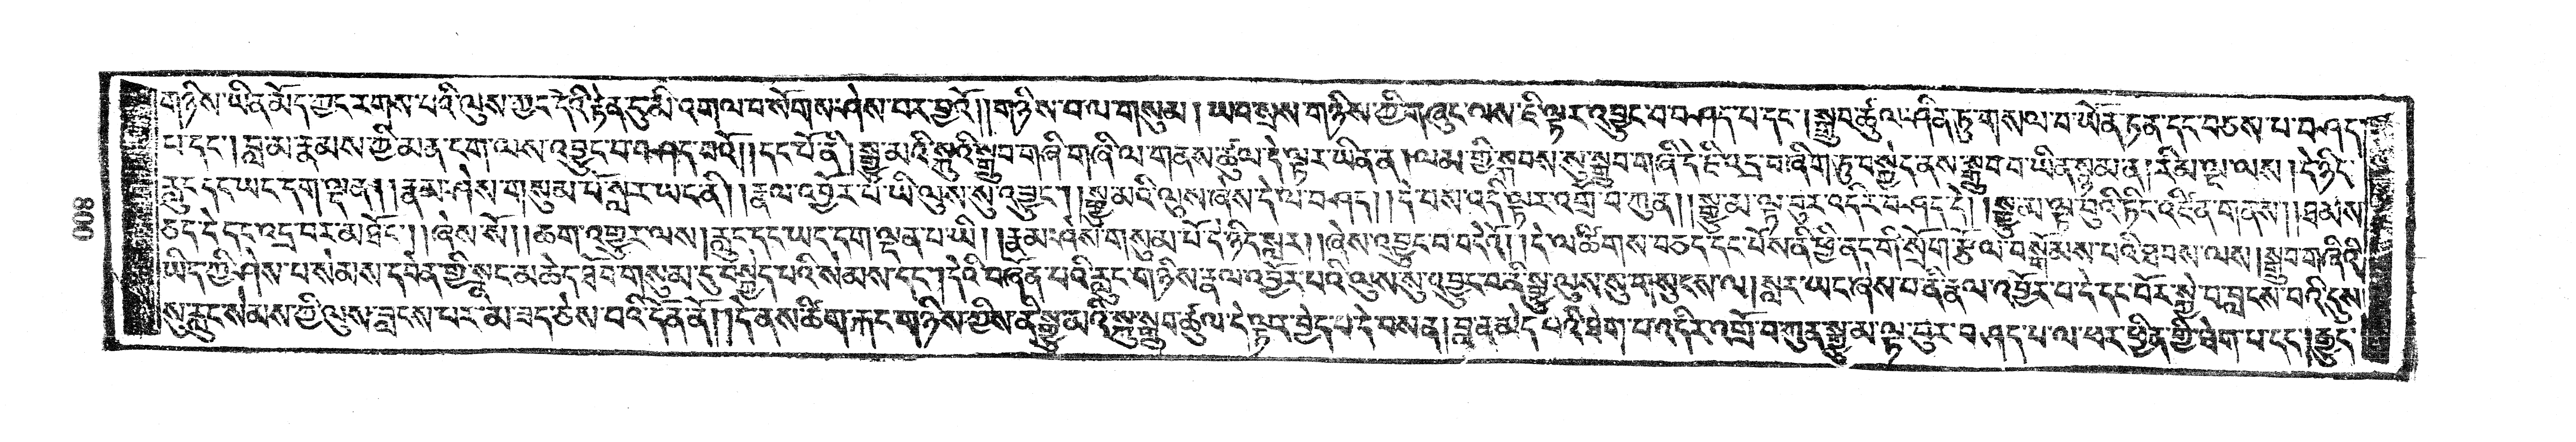གཉིས་ཡིན་མོད་ཀྱང་རགས་པའི་ལུས་ཀྱང་དའི་རྟེན་དུ་མི་འགལ་བ་སོགས་ཤེས་པར་བྱའོ། །གཉིས་པ་ལ་གསུམ། ཡབ་སྲས་གཉིས་ཀྱི་གཞུང་ལས་ཇི་ལྟར་འབྱུང་བ་བཤད་པ་དང་། སྒྲུབ་ཚུལ་ཤིན་ཏུ་གསལ་བ་ཡོན་ཏན་དང་བཅས་པ་བཤད་
པ་དང་། བླ་མ་རྣམས་ཀྱི་མན་ངག་ལས་འབྱུང་བ་བཤད་པའོ། །དང་པོ་ནི། སྒྱུ་མའི་སྐུའི་སྒྲུབ་གཞི་གཞི་ལ་གནས་ཚུལ་དེ་ལྟར་ཡིན་ན། ལམ་གྱི་སྐབས་སུ་སྒྲུབ་གཞི་དེ་ཇི་འདྲ་བ་ཞིག་ཏུ་བསྐྱེད་ནས་སྒྲུབ་པ་ཡིན་སྙམ་ན། རིམ་ལྔ་ལས། དེ་ཉིད་
རླུང་དང་ཡང་དག་ལྡན། །རྣམ་ཤེས་གསུམ་པོ་སླར་ཡང་ནི། །རྣལ་འབྱོར་པ་ཡི་ལུས་སུ་འབྱུང་། །སྒྱུ་མའི་ལུས་ཞེས་དེ་ལ་བཤད། །དེ་བས་འདི་ལྟར་འགྲོ་བ་ཀུན། །སྒྱུ་མ་ལྟ་བུར་འདིར་བཤད་དེ། །སྒྱུ་མ་ལྟ་བུའི་ཏིང་འཛིན་གནས། །ཐམས་
ཅད་དེ་དང་འོད་བར་མཐོང་། །ཞེས་སོ། །ཆག་འགྱུར་ལས། རླུང་དང་ཡང་དག་ལྡན་པ་ཡི། །རྣམ་ཤེས་གསུམ་པོ་དེ་ཉིད་སླར། །ཞེས་འབྱུང་བ་བདེའོ། །དེ་ལ་ཚིགས་བཅད་དང་པོས་ནི་ཕྱི་ནང་གི་སྲོག་རྩོལ་བསྒོམས་པའི་ཐབས་ལས། སྒྲུབ་གཞིའི་
ཡིད་ཀྱི་ཤེས་པ་སེམས་དབེན་གྱི་སྣང་མཆེད་ཐོབ་གསུམ་དུ་བསྐྱེད་པའི་སེམས་དང་། དེའི་བཞོན་པའི་རླུང་གཉིས་རྣལ་འབྱོར་པའི་ལུས་སུ་འབྱུང་བ་ནི་སྒྱུ་ལུས་སུ་གསུངས་ལ། སླར་ཡང་ཞེས་པ་ནི་རྣལ་འབྱོར་པ་དེ་དང་པོར་སྐྱེ་བ་བླངས་པའི་དུས་
སུ་རླུང་སེམས་ཀྱི་ལུས་བླངས་པར་མ་ཟད་ཅེས་པའི་དོན་ནོ། །དེ་ནས་ཚིག་རྐང་གཉིས་ཀྱིས་ནི་སྒྱུ་མའི་སྐུ་སྒྲུབ་ཚུལ་དེ་ལྟར་བྱེད་པ་དེ་བས་ན། བླ་ན་མེད་པའི་ཐེག་པ་འདིར་འགྲོ་བ་ཀུན་སྒྱུ་མ་ལྟ་བུར་བཤད་པ་ལ་ཕར་ཕྱིན་གྱི་ཐེག་པ་དང་། རྒྱུད་